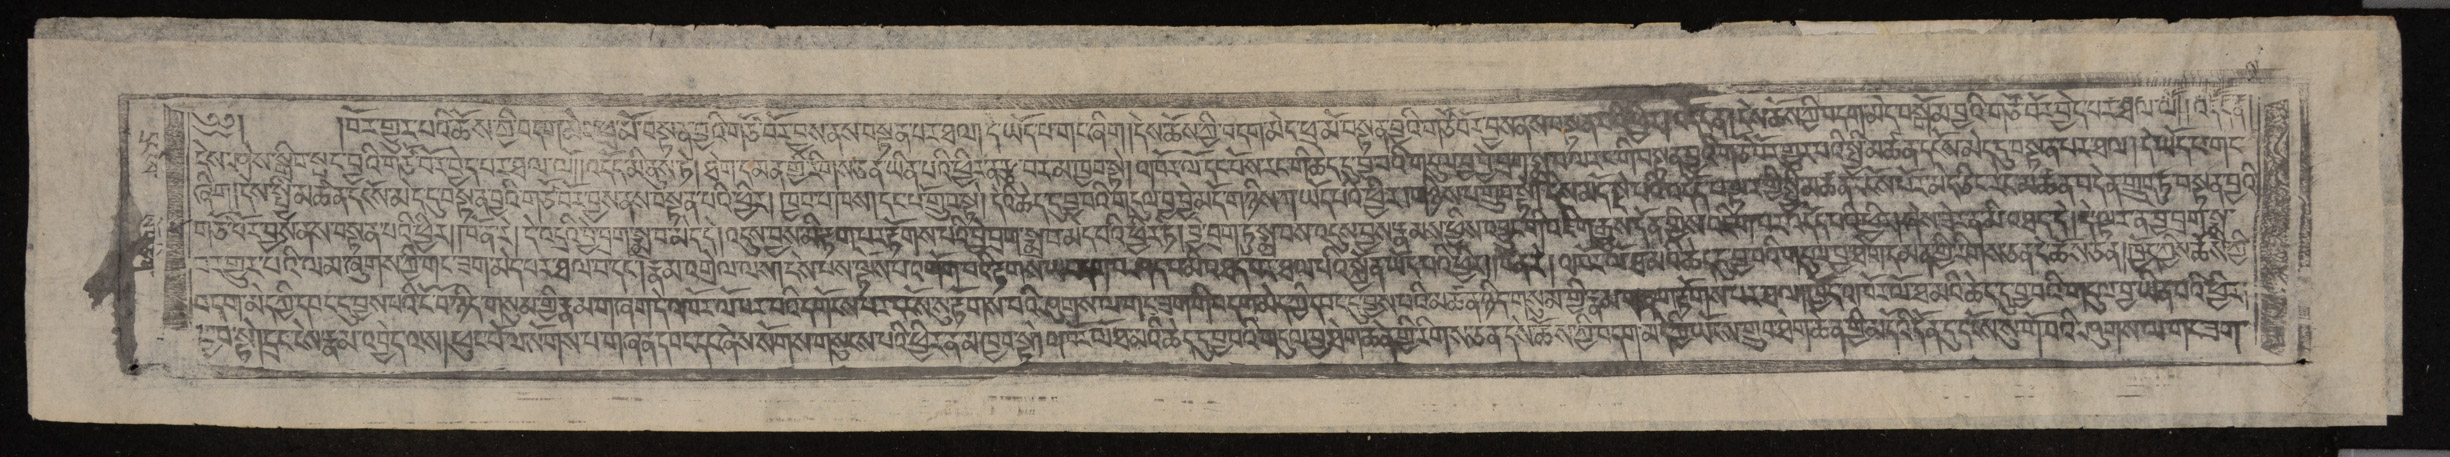༄༅། །བོར་གྱུར་པའི་ཆོས་ཀྱི་བདག་མེད་ཕྲ་མོ་བསྟན་བྱའི་གཙོ་བོར་བྱས་ནས་བསྟན་པར་ཐལ། དེ་ཡོད་པ་གང་ཞིག །དེས་ཆོས་ཀྱི་བདག་མེད་ཕྲ་མོ་བསྟན་བྱའི་གཙོ་བོར་བྱས་ནས་བསྟན་པའི་ཕྱིར། འདོད་ན། དེ་ཆོས་ཀྱི་བདག་མེད་བསྒོམ་བྱའི་གཙོ་བོར་བྱེད་པར་ཐལ་ལོ། །འདོད་ན།
དེས་ཤེས་སྒྲིབ་སྤང་བྱའི་གཙོ་བོར་བྱེད་པར་ཐལ་ལོ། །འདོད་མི་ནུས་ཏེ། ཐེག་དམན་གྱི་རིགས་ཅན་ཡིན་པའི་ཕྱིར་ན་རྩ་བར་མ་ཁྱབ་སྟེ། འཁོར་ལོ་དང་པོས་རང་གི་ཆེད་དུ་བྱ་བའི་གདུལ་བྱ་བྱེ་བྲག་སྨྲ་བ་ལ་རང་གི་བསྟན་བྱའི་གཙོ་བོར་གྱུར་པའི་སྤྱི་མཚན་དངོས་མེད་དུ་བསྟན་པར་ཐལ། དེ་ཡོད་པ་གང་
ཞིག །དེས་སྤྱི་མཚན་དངོས་མེད་དུ་བསྟན་བྱའི་གཙོ་བོར་བྱས་ནས་བསྟན་པའི་ཕྱིར། ཁྱབ་པ་ཁས། དང་པོ་གྲུབ་སྟེ། དེའི་ཆེད་དུ་བྱ་བའི་གདུལ་བྱ་བྱེ་མདོ་གཉིས་ཀ་ཡིད་པའི་ཕྱིར། གཉིས་པ་གྲུབ་སྟེ། །དེས་མདོ་སྡེ་པའི་འདོད་པ་ལྟར་གྱི་སྤྱི་མཚན་དངོས་པོར་མེད་ཅིང་རང་མཚན་བདེན་གྲུབ་ཏུ་བསྟན་བྱའི་
གཙོ་བོར་བྱས་ནས་བསྟན་པའི་ཕྱིར། ཁོ་ན་རེ། དེ་འདྲའི་བྱེ་བྲག་སྨྲ་བ་མེད་དེ། འདུས་བྱས་མི་རྟག་པར་རྟོགས་པའི་བྱེ་བྲག་སྨྲ་བ་མེད་པའི་ཕྱིར་ཏེ། བྱེ་བྲག་ཏུ་སྨྲ་བས་འདུས་བྱས་རྣམས་ཕྱིས་འབྱུང་གི་འཇིག་རྒྱུས་དོན་གྱིས་འཇིག་པར་འདོད་པའི་ཕྱིར། ཞེས་ཟེར་ན་མི་འཐད་དེ། དེ་ལྟར་ན་བྱེ་བྲག་སྨྲ་
བར་གྱུར་པའི་ལམ་ཞུགས་ཀྱི་གང་ཟག་མེད་པར་ཐལ་བ་དང་། རྣམ་འགྲེལ་ལས། ངེས་པས་ལྟོས་པ་འགོག་པའི་རྟགས་ཡང་དག་བཤད་པ་མི་འཐད་པར་ཐལ་བའི་སྐྱོན་ཡོད་པའི་ཕྱིར། ཁོ་ན་རེ། འཁོར་ལོ་ཐ་མའི་ཆེད་དུ་བྱ་བའི་གདུལ་བྱ་ཐེག་དམན་གྱི་རིགས་ཅན་དེ་ཆོས་ཅན། ཁྱོད་ཀྱིས་ཆོས་ཀྱི་
བདག་མེད་ཀྱི་དབང་དུ་བྱས་པའི་ངོ་བོ་ཉིད་གསུམ་གྱི་རྣམ་བཞག་དེ་འཁོར་ལོ་བར་པའི་དགོངས་པར་དངོས་སུ་རྟོགས་པའི་ཤུགས་ལ་གང་ཟག་གི་བདག་མེད་ཀྱི་དབང་དུ་བྱས་པའི་མཚན་ཉིད་གསུམ་གྱི་རྣམ་གཞག་རྟོགས་པར་ཐལ། ཁྱོད་འཁོར་ལོ་ཐ་མའི་ཆེད་དུ་བྱ་བའི་གདུལ་བྱ་ཡིན་པའི་ཕྱིར།
ཁྱབ་སྟེ། དྲང་ངེས་རྣམ་འབྱེད་ལས། ཕུང་པོ་ལ་སོགས་པ་གཞན་དབང་དང་ཞེས་སོགས་གསུངས་པའི་ཕྱིར་ན་མ་ཁྱབ་སྟེ། འཁོར་ལོ་ཐ་མའི་ཆེད་དུ་བྱ་བའི་གདུལ་བྱ་ཐེག་ཆེན་གྱི་རིགས་ཅན་དེས་ཆོས་ཀྱི་བདག་མེད་ཀྱི་ཡོངས་གྲུབ་ཐེག་ཆེན་གྱི་མདོའི་དོན་དུ་དངོས་སུ་གོ་བའི་ཤུགས་ལ་གང་ཟག་